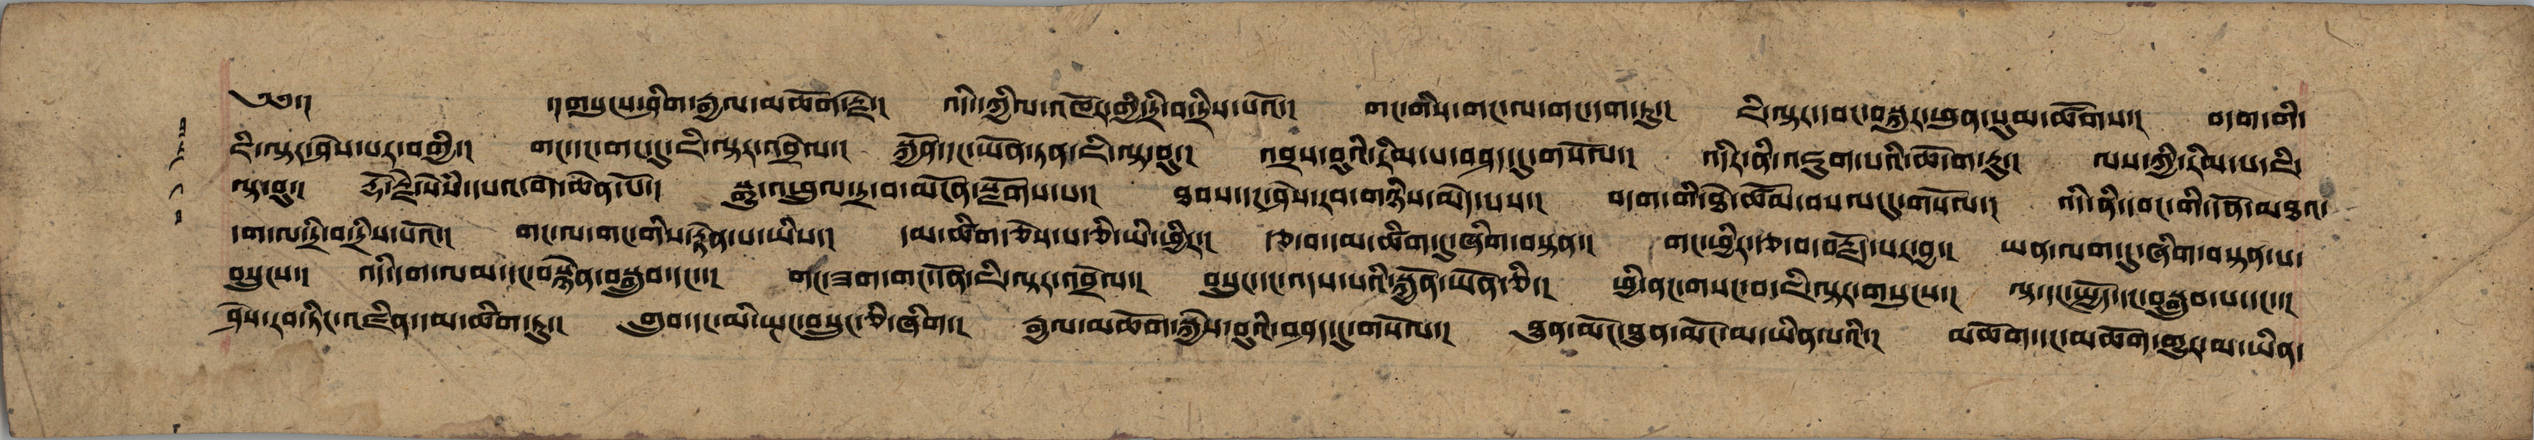༄༅་། ་།གསུངས་ཤིག་རྒྱལ་མཆོག་རྗེ་། འདི་དཀྱིལ་འཁོར་གྱི་དྲི་བ་དྲིས་པའོ་། གང་གིས་གང་ལ་གང་དག་ཏུ་། ཇི་ལྟར་དབང་བསྐུར་ཕུན་སུམ་ཚོགས་། བདག་གི་
ཇི་ལྟར་ཤེས་པར་བགྱི་། གང་དང་གང་དུ་ཇི་ལྟར་འབྲེལ་། སྐྱོན་དང་ཡོན་ཏན་ཇི་ལྟ་བུ་། འབྲས་བུའི་རིམ་པ་བཤད་དུ་གསོལ་། འདིར་ནི་འཇུག་པའི་ཆོ་ག་རུ་། ལས་ཀྱི་རིམ་པ་ཇི་
ལྟ་བུ་། རྡོ་རྗེ་སེཾས་དཔའ་བདེ་ཆེན་པོ་། སྒྱུ་འཕྲུལ་དྲ་བ་མངོན་སྫོགས་པ་། ཐབས་དང་ཤེས་རབ་གཉིས་མེད་པས་། བདག་གི་ཐེ་ཚོམ་བསལ་དུ་གསོལ་། འདི་ནི་དབང་གི་དོན་མཐའ་
དག་ལདྲི་བ་དྲིས་པའོ་། གང་ལ་གང་གིས་རྟེན་པ་ཡིས་། དམ་ཚིག་ཅེས་པ་ཅི་ཡི་ཕྱིར་། རྩ་བ་དམ་ཚིག་དུ་ཞིག་བསྟན་། གང་ཕྱིར་རྩ་བ་བརྗོད་པར་བྱ་། ཡན་ལག་དུ་ཞིག་བསྟན་པ་
བསྲུངས་། འདི་དག་ལམ་དང་བརྙེན་བསྒྲུབ་དང་་། གང་ཟག་གང་དོན་ཇི་ལྟར་འབྲེལ་། བསྲུང་དང་འདས་པའི་སྐྱོན་ཡོན་ཅི་། ཕྱི་ནང་གསང་བ་ཇི་ལྟར་གསུངས་། ལྟ་དང་སྤྱོད་དང་བསྒྲུབ་པ་དང་་།
ཤེས་རབ་ཏིང་འཛིན་དམ་ཚིག་ཏུ་། གྲུབ་དང་མི་སྤང་བསྲུང་ཅི་ཞིག་། རྒྱལ་མཆོག་སྐྱེས་བུའི་བཤད་དུ་གསོལ་། ཐུན་མོང་ཐུན་མོང་མ་ཡིན་པའི་། མཆོག་དང་མཆོག་གྱུར་མ་ཡིན་